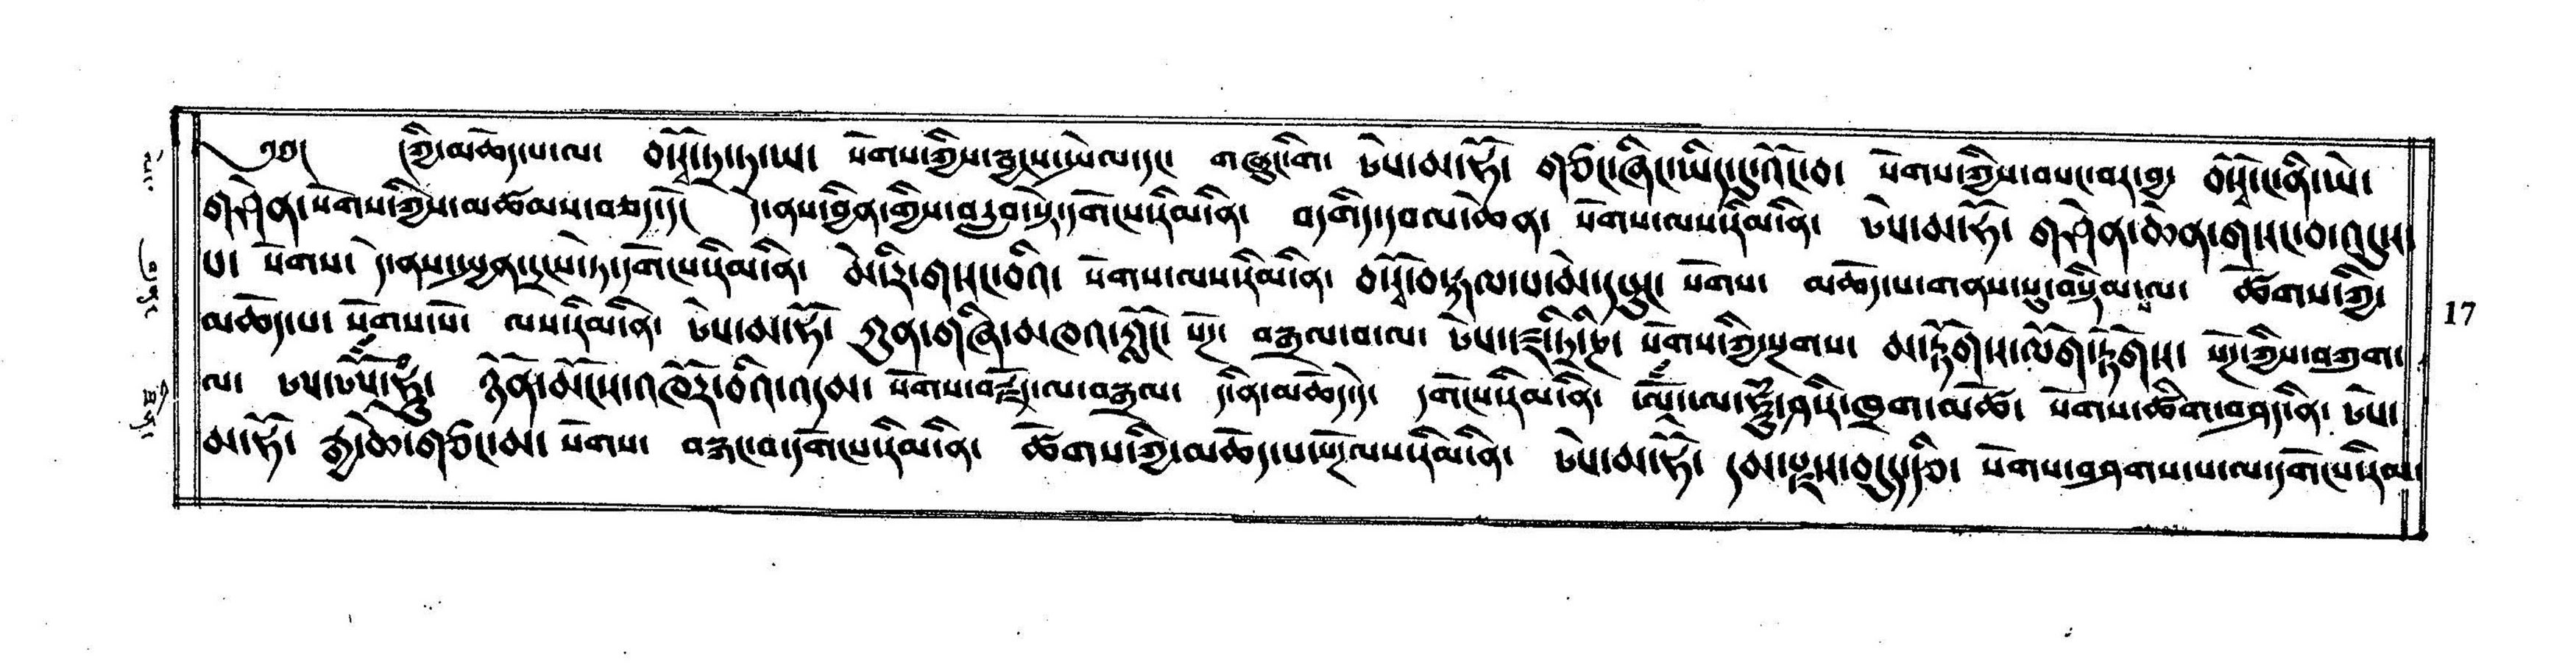ཀྱི་མཆོད་པ་ལ། བསྭོ་ཏྲ་ཏ་ཡ། སོགས་ཀྱིས་སྦྱངས་སྤེལ་དང་། གཞུང་གི། ཨེ་མ་ཧོ། གཙང་ཞིང་ཡིད་དུ་འོང་བ། སོགས་ཀྱིས་བསང་བར་བྱ། བསྭོ་ང་ནི་ཡེ་
གཤེན་སོགས་ཀྱིས་མཚམས་བཅད་དོ། དེ་ནས་བྱིན་གྱིས་བརླབ་སྟེ་དགོངས་རིམ་ནི། བདག་ཉིད་དབལ་ཆེན། སོགས་ལས་རིམ་ནི། ཨེ་མ་ཧོ། གཤེན་ཆེན་གསང་བ་འདུས་
པ། སོགས། དེ་ནས་སྤྱན་དྲངས་ཏེ་དགོངས་རིམ་ནི། མེ་རི་གསང་བའི་སོགས་ལས་རིམ་ནི། བསྭོ་བསྐལ་པ་མེ་དཔུང་། སོགས་ མཆོད་པ་གནས་སུ་བསྟིམ་པ་ལ། ཚོགས་ཀྱི་
མཆོད་པ། སོགས་སོ། ལས་རིམ་ནི། ཨེ་མ་ཧོ། ཀུན་གཞི་མཁའ་ཀློང་། སོགས། བསྒྲལ་བ་ལ། ཨེ་ཛ་ཏྲི་ཎི། སོགས་ཀྱི་སྔགས། མ་རྟོགས་ལོག་རྟོགས། སོགས་ཀྱིས་བཀུག་
ལ། ཨ་ཨཱོཾ་ཧཱུཾ། ཉོན་མོངས་འཁོར་བའི་འདམ། སོགས་བརྗོད་ལ་བསྒྲལ། ད་ནི་མཆོད་དེ། དགོངས་རིམ་ནི། ཨཱོཾ་ཨ་ཧཱུཾ་ཤ་རི་ཁྲག་མཚོ། སོགས་ཚིག་བཤད་ནི། ཨེ་
མ་ཧོ། རྒྱ་ཆེ་གཙང་མ། སོགས། བསྐང་བ་དགོངས་རིམ་ནི། ཚོགས་ཀྱི་མཆོད་པ་སོགས་ལས་རིམ་ནི། ཨེ་མ་ཧོ། དམ་རྫས་བདུད་རྩི། སོགས་བཤགས་པ་ལ་དགོངས་རིམ་